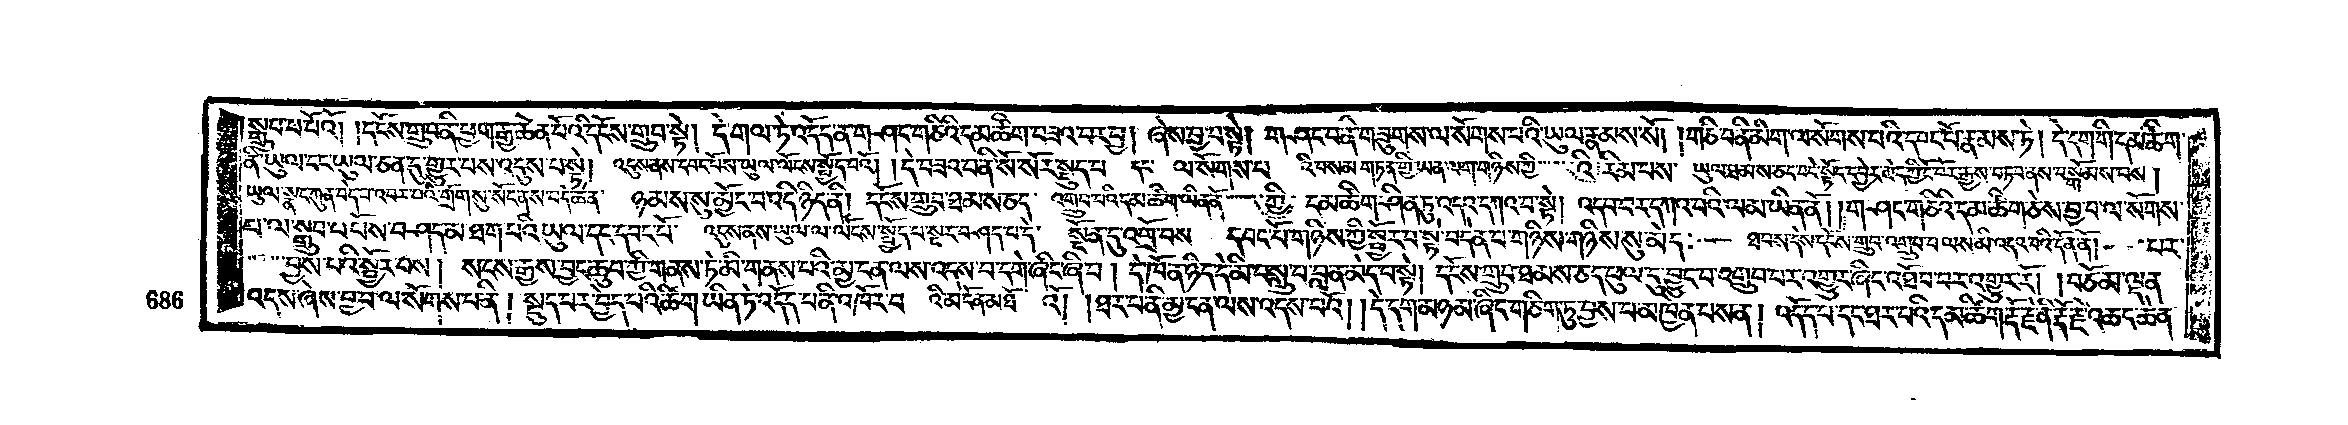སྒྲུབ་པ་པོའོ། །དངོས་གྲུབ་ནི་ཕྱག་རྒྱ་ཆེན་པོའི་དངོས་གྲུབ་སྟེ། དེ་གལ་ཏེ་འདོད་ན་གཤང་གཅིའི་དམ་ཚིག་བཟའ་བར་བྱ། ཞེས་བྱ་བ་སྟེ། གཤང་བ་ནི་གཟུགས་ལ་སོགས་པའི་ཡུལ་རྣམས་སོ། །གཅི་བ་ནི་མིག་ལ་སོགས་པའི་དབང་པོ་རྣམས་ཏེ། དེ་དག་གི་དམ་ཚིག་
ནི་ཡུལ་དང་ཡུལ་ཅན་དུ་གྱུར་པས་འདུས་པ་སྟེ། འདུས་ནས་དབང་པོས་ཡུལ་ལོངས་སྤྱོད་པའོ། །དེ་བཟའ་བ་ནི་སོ་སོར་སྡུད་པ་དང་ལ་སོགས་པའི་བསམ་གཏན་གྱི་ཡན་ལག་གཉིས་ཀྱིའི་རིམ་པས་ཡུལ་ཐམས་ཅད་བདེ་སྟོང་དབྱེར་མེད་ཀྱི་ངོ་བོར་རྒྱས་བཏབ་ནས་བསྒོམས་པའོ། ?
ཡུལ་སྣང་ཀུན་བདེ་བ་འབར་བའི་གྲོགས་སུ་སོང་ནས་བདེ་ཆེན་ཉམས་སུ་མྱོང་བ་འདི་ཉིད་ནི། དངོས་གྲུབ་ཐམས་ཅད་འགྲུབ་པའི་དམ་ཚིག་ཡིན་ནོ་ཀྱི་དམ་ཚིག་ཤིན་ཏུ་འདའ་དཀའ་བ་སྟེ། འདབ་པར་དཀའ་བའི་ལམ་ཡིན་ནོ། །གཤང་གཅིའི་དམ་ཚིག་ཅེས་བྱ་བ་ལ་སོགས་
པ་ལ་སྒྲུབ་པ་པོས་བཤད་མ་ཐག་པའི་ཡུལ་དང་དབང་པོ་འདུས་ནས་ཡུལ་ལ་ལོངས་སྤྱོད་པ་སྔར་བཤད་པ་དེ་སྔོན་དུ་འགྲོ་བས་དབང་པོ་གཉིས་ཀྱི་སྦྱོར་བ་སྟེ་བདེན་པ་གཉིས་གཉིས་སུ་མེད་H.་ཐབས་དེས་དངོས་གྲུབ་འགྲུབ་པ་ལས་མི་འདའ་བའི་དོན་ནོ། .H པར་
བྱས་པའི་སྦྱོར་བས། སངས་རྒྱས་བྱང་ཆུབ་ཀྱི་གནས་ཏེ་མི་གནས་པའི་མྱ་ངན་ལས་འདས་པ་དགེ་ཞིང་ཞི་བ། དེ་ཁོ་ན་ཉིད་དེ་མི་བསླུ་བ་བླ་ན་མེད་པ་སྟེ། དངོས་གྲུབ་ཐམས་ཅད་ཕུལ་དུ་བྱུང་བ་འགྲུབ་པར་འགྱུར་ཞིང་འཐོབ་པར་འགྱུར་རོ། །བཅོམ་ལྡན་
འདས་ཞེས་བྱ་བ་ལ་སོགས་པ་ནི། སྡུད་པར་བྱེད་པའི་ཚིག་ཡིན་ཏེ་འདོད་པ་ནི་འཁོར་བའི་མངོན་མཐོའོ།  །ཐར་པ་ནི་མྱ་ངན་ལས་འདས་པའོ། །དེ་དག་མཉམ་ཞིང་གཅིག་ཏུ་བྱས་པ་མཁྱེན་པས་ན། འདོད་པ་དང་ཐར་པའི་དམ་ཚིག་རྡོ་རྗེ་ནི་རྡོ་རྗེ་འཆང་ཆེན་